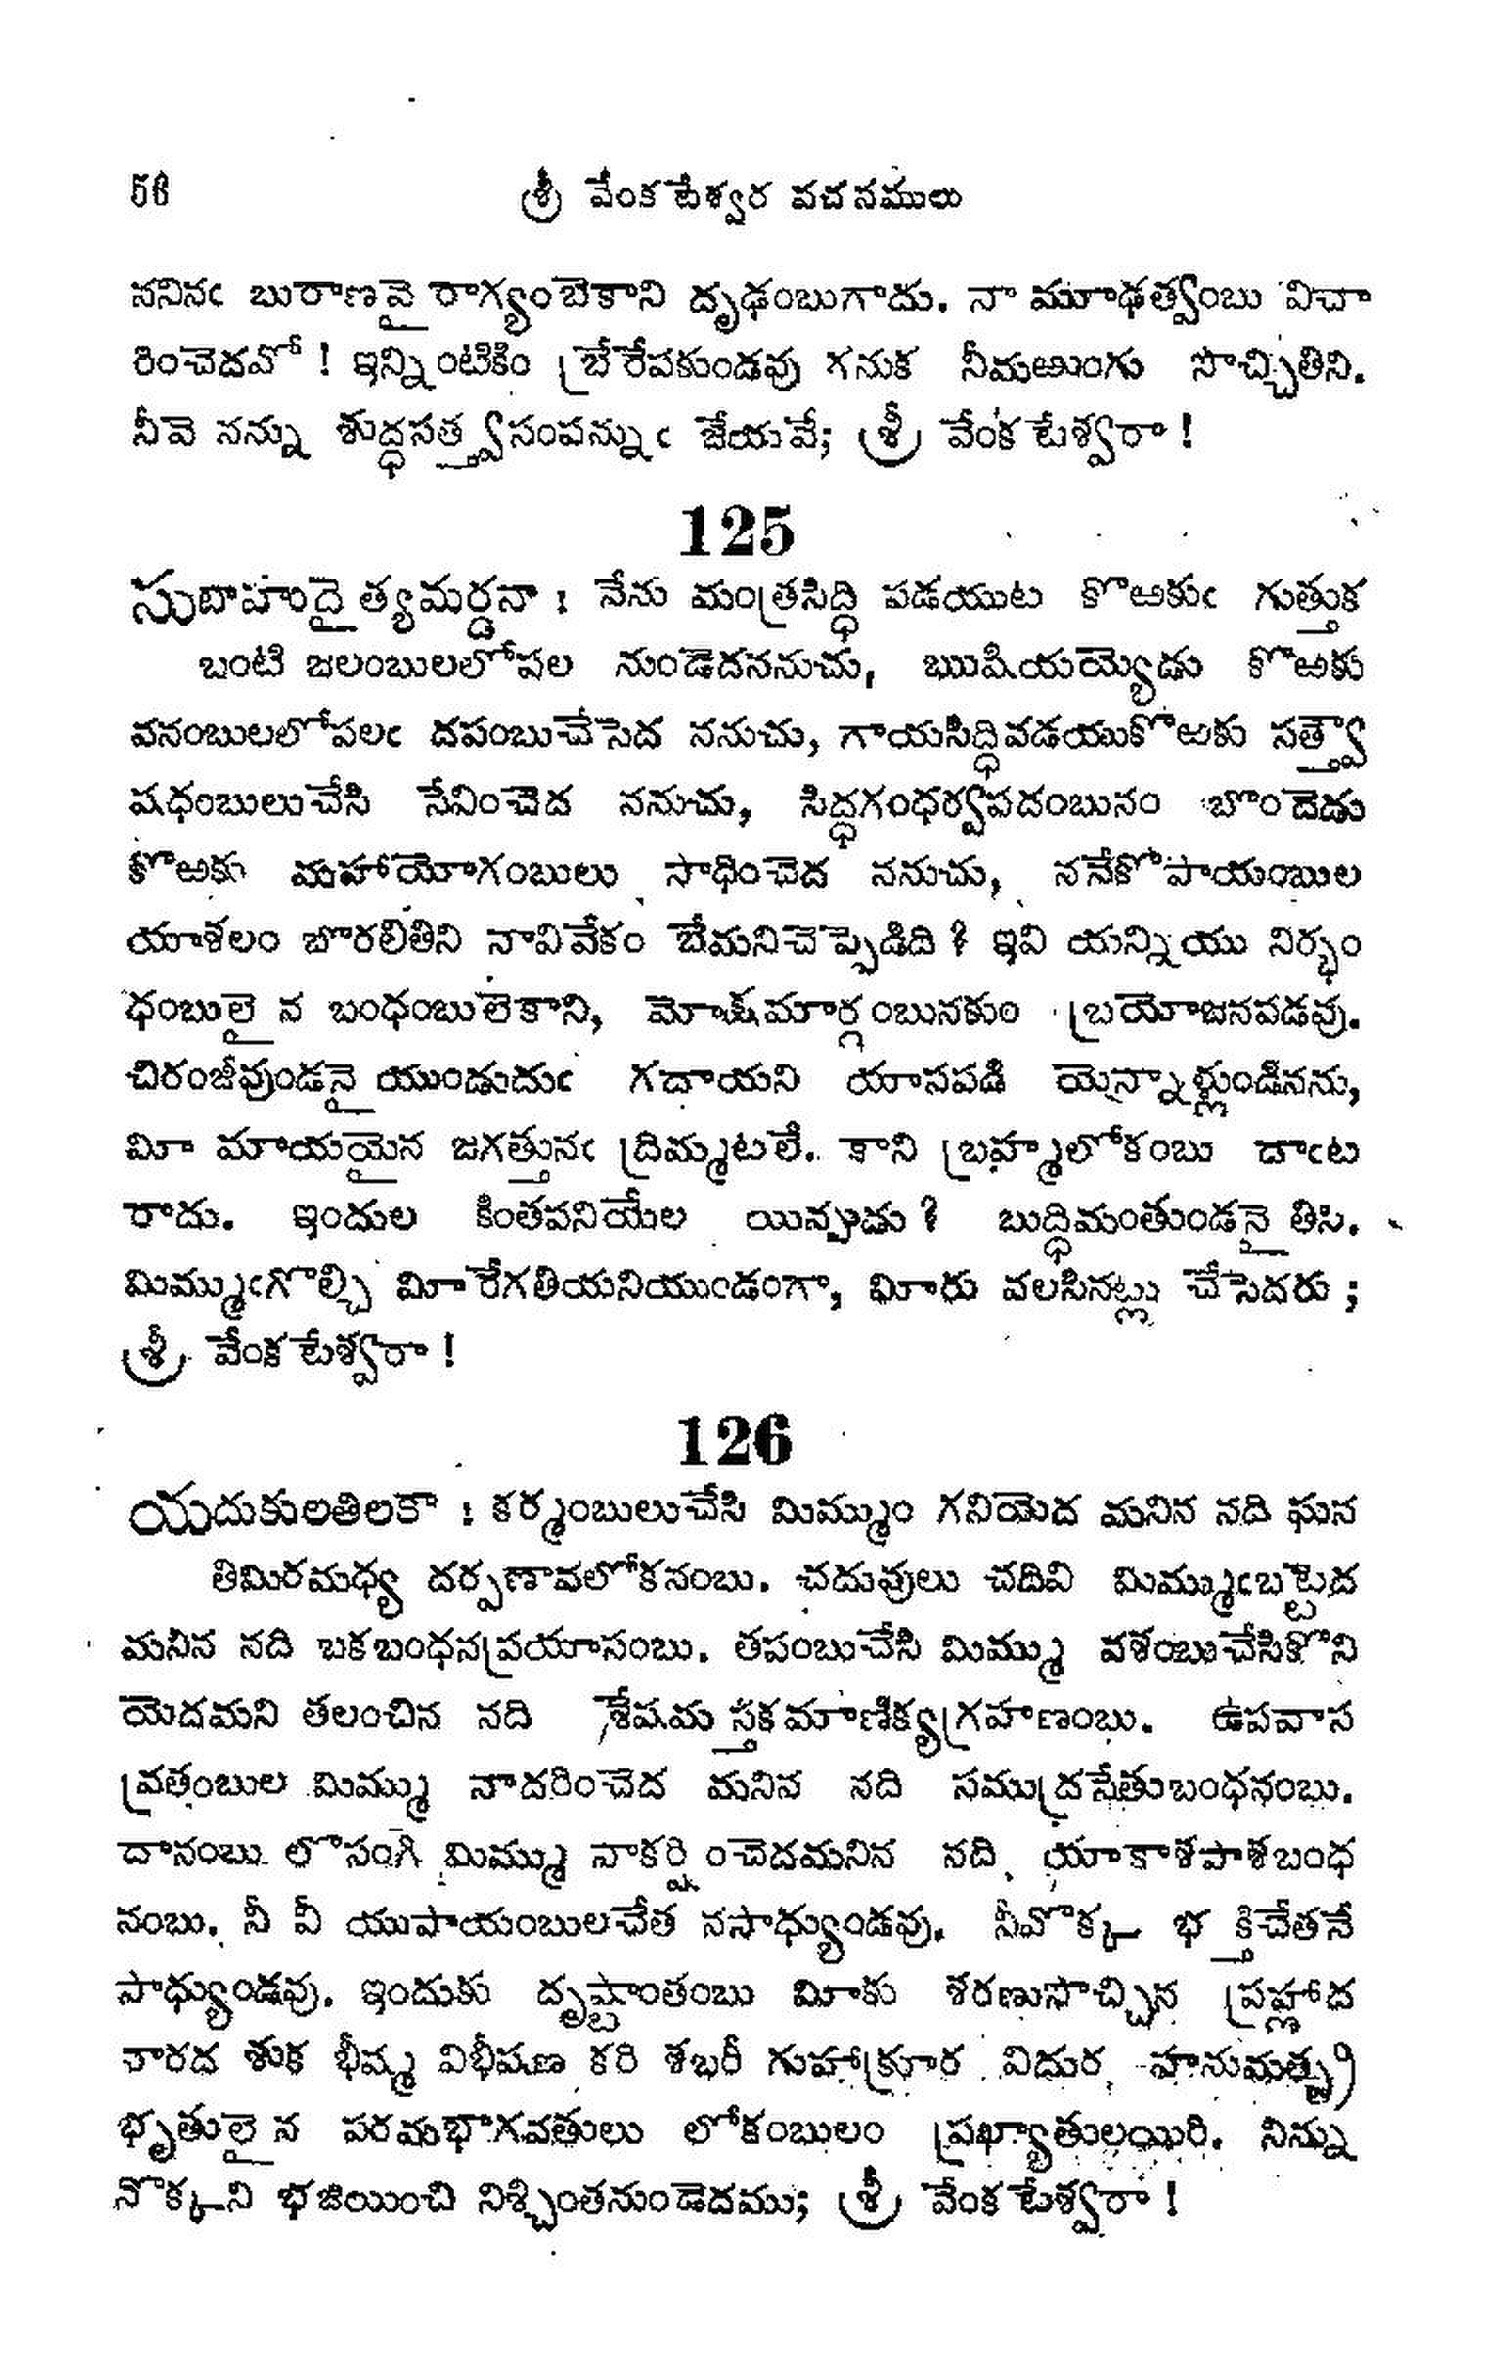శ్రీ వేంకటేశ్వర వచనములు 
ననినఁ బురాణవై రాగ్యంబెకాని దృఢంబుగాదు. నా మూఢత్వంబు 'విచా రించెదవో ! ఇన్నింటికిం బ్రేరేపకుండవు గనుక నీమఱుంగు సొచ్చితిని. నీవె నన్ను శుద్ధసత్త్వసంపన్నుఁ జేయవే; శ్రీ వేంకటేశ్వరా ! 

125 

 ! నేను మంత్రసిద్ది పడయుట కొఱకుఁ గుత్తుకబంటి జలంబులలోపల నుండెదననుచు, ఋషియయ్యెడు కొఱకు వనంబులలోపలఁ దపంబుచే సెద ననుచు, గాయసిద్ది వడయుకోఱకు సత్త్వౌ షధంబులు చేసి సేవించెద ననుచు,సిద్ధగంధర్వపదంబునం 'బొందెడు కొఱకు మహాయోగంబులు సాధించెద ననుచు, ననేకోపాయంబుల యాశలం బొరలితిని నావివేకం బేమని చెప్పెడిది ? ఇవి యన్నియు నిర్బం ధంబులై న బంధంబులెకాని, మోక్ష మార్గంబునకుం 'బ్రయోజనపడవు. చిరంజీవుండనై యుండుదుఁ గదాయని యాసపడి యెన్నాళ్లుండినను, మీ మాయయైన జగత్తునఁ ద్రిమ్మటలే. కాని బ్రహ్మలోకంబు దాఁట రాదు. ఇందుల కింతపనియేల యిప్పుడు బుద్ధిమంతుండనై తిని. మిమ్ముఁ గొల్చి మీ రేగతియని యుఁడంగా, మీరు వలసినట్లు చేసెదరు ; శ్రీ వేంక టేశ్వరా !

126 

 ! కర్మంబులుచేసి మిమ్ముం గనియెద మనిన నది ఘన
తిమిర మధ్య దర్పణావలోకనంబు, చదువులు చదివి మిమ్ముఁబట్టెద మనిన నది ఒక బంధనప్రయాసంబు, తపంబుచేసి మిమ్ము వశంబు చేసికొనియెదమని తలంచిన నది శేషమ స్తకమాణిక్యగ్రహణంబు. ఉపవాస వ్రతంబుల మిమ్ము నాదరించెద మనిన నది సముద్రసేతుబంధనంబు. దానంబు లొసంగి మిమ్ము నాకరించెదమనిన నది యాకాశపాశబంధ నంబు, నీ వీ యుపాయంబులచేత నసాధ్యుండవు. నీవొక్క భ క్తిచేతనే సాధ్యుండవు. ఇందుకు దృష్టాంతంబు మీకు శరణుసొచ్చిన ప్రహ్లాద నారద శుక భీష్మ విభీషణ కరి శబరీ గుహాక్రూర విదుర, హనుమత్ర భృతులైన పరమభాగవతులు లోకంబులం ప్రఖ్యాతులయిరి. నిన్ను నొక్కని భజియించి నిశ్చింతనుండెదము; శ్రీ వేంకటేశ్వరా ! "